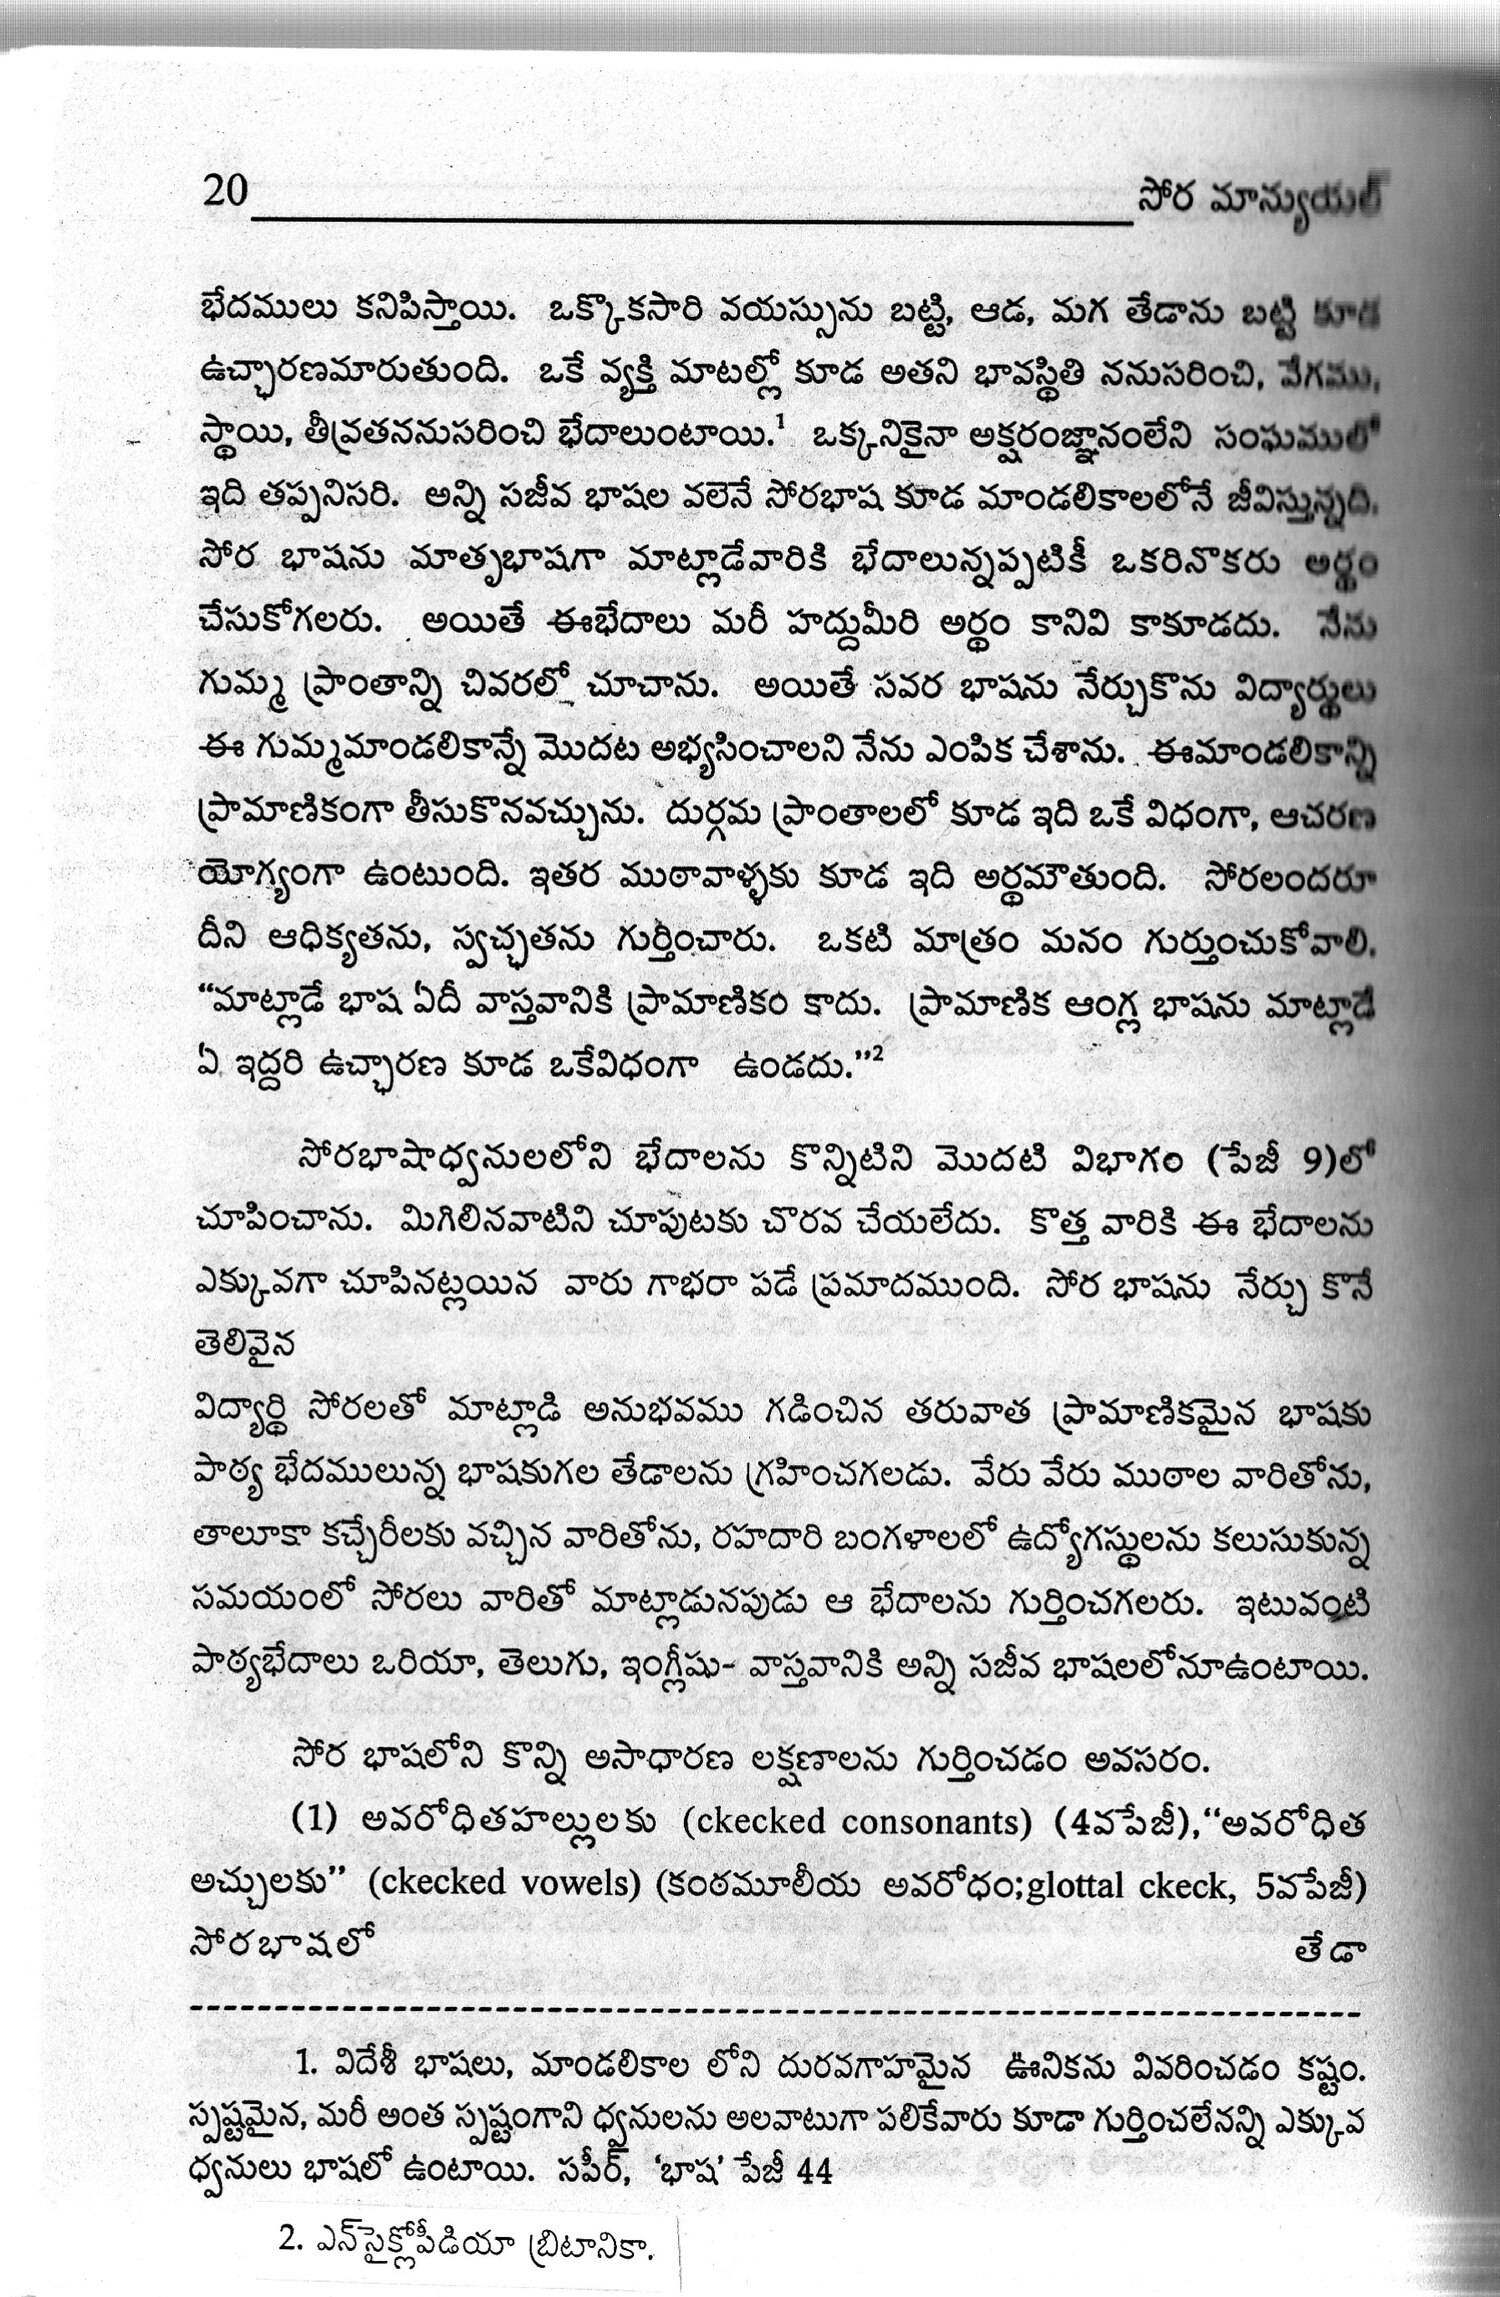భేదములు కనిపిస్తాయి. ఒక్కొకసారి వయస్సును బట్టి, ఆడ, మగ తేడాను బట్టి కూడ ఉచ్ఛారణ మారుతుంది. ఒకే వ్యక్తి మాటల్లో కూడ అతని భావస్థితి ననుసరించి, వేగము, స్థాయి, తీవ్రతననుసరించి భేదాలుంటాయి. ఒక్కనికైనా అక్షరంజ్ఞానంలేని సంఘములో ఇది తప్పనిసరి. అన్ని సజీవ భాషల వలెనే సోరభాష కూడ మాండలికాలలోనే జీవిస్తున్నది. సోర భాషను మాతృభాషగా మాట్లాడే వారికి భేదాలున్నప్పటికీ ఒకరినొకరు అర్థం చేసుకోగలరు. అయితే ఈ భేదాలు మరీ హద్దుమీరి అర్థం కానివి కాకూడదు. నేను గుమ్మ ప్రాంతాన్ని చివరలో చూచాను. అయితే సవర భాషను నేర్చుకొను విద్యార్థులు ఈ గుమ్మమాండలికాన్నే మొదట అభ్యసించాలని నేను ఎంపిక చేశాను. ఈ మాండలికాన్ని ప్రామాణికంగా తీసుకొనవచ్చును. దుర్గమ ప్రాంతాలలో కూడ ఇది ఒకే విధంగా, ఆచరణ యోగ్యంగా ఉంటుంది. ఇతర ముఠావాళ్ళకు కూడ ఇది అర్థమౌతుంది. సోరలందరూ దీని ఆధిక్యతను, స్వచ్ఛతను గుర్తించారు. ఒకటి మాత్రం మనం గుర్తుంచుకోవాలి. “మాట్లాడే భాష ఏదీ వాస్తవానికి ప్రామాణికం కాదు. ప్రామాణిక ఆంగ్ల భాషను మాట్లాడే ఏ ఇద్దరి ఉచ్ఛారణ కూడ ఒకేవిధంగా ఉండదు."

సోరభాషాధ్వనులలోని భేదాలను కొన్నిటిని మొదటి విభాగం (పేజీ 9)లో చూపించాను. మిగిలినవాటిని చూపుటకు చొరవ చేయలేదు. కొత్త వారికి ఈ భేదాలను ఎక్కువగా చూపినట్లయిన వారు గాభరా పడే ప్రమాదముంది. సోర భాషను నేర్చు కొనే తెలివైన విద్యార్థి సోరలతో మాట్లాడి అనుభవము గడించిన తరువాత ప్రామాణికమైన భాషకు పాఠ్య భేదములున్న భాషకుగల తేడాలను గ్రహించగలడు. వేరు వేరు ముఠాల వారితోను, తాలూకా కచ్చేరీలకు వచ్చిన వారితోను, రహదారి బంగళాలలో ఉద్యోగస్థులను కలుసుకున్న
సమయంలో సోరలు వారితో మాట్లాడునపుడు ఆ భేదాలను గుర్తించగలరు. ఇటువంటి పాఠ్యభేదాలు ఒరియా, తెలుగు, ఇంగ్లీషు- వాస్తవానికి అన్ని సజీవ భాషలలోనూ ఉంటాయి.

సోర భాషలోని కొన్ని అసాధారణ లక్షణాలను గుర్తించడం అవసరం.

(1) అవరోధితహల్లులకు (ckecked consonants) (4వ పేజీ), “అవరోధిత అచ్చులకు" (ckecked vowels) (కంఠమూలీయ అవరోధం; glottal ckeck, 5వ పేజీ) సోరభాషలో తేడా